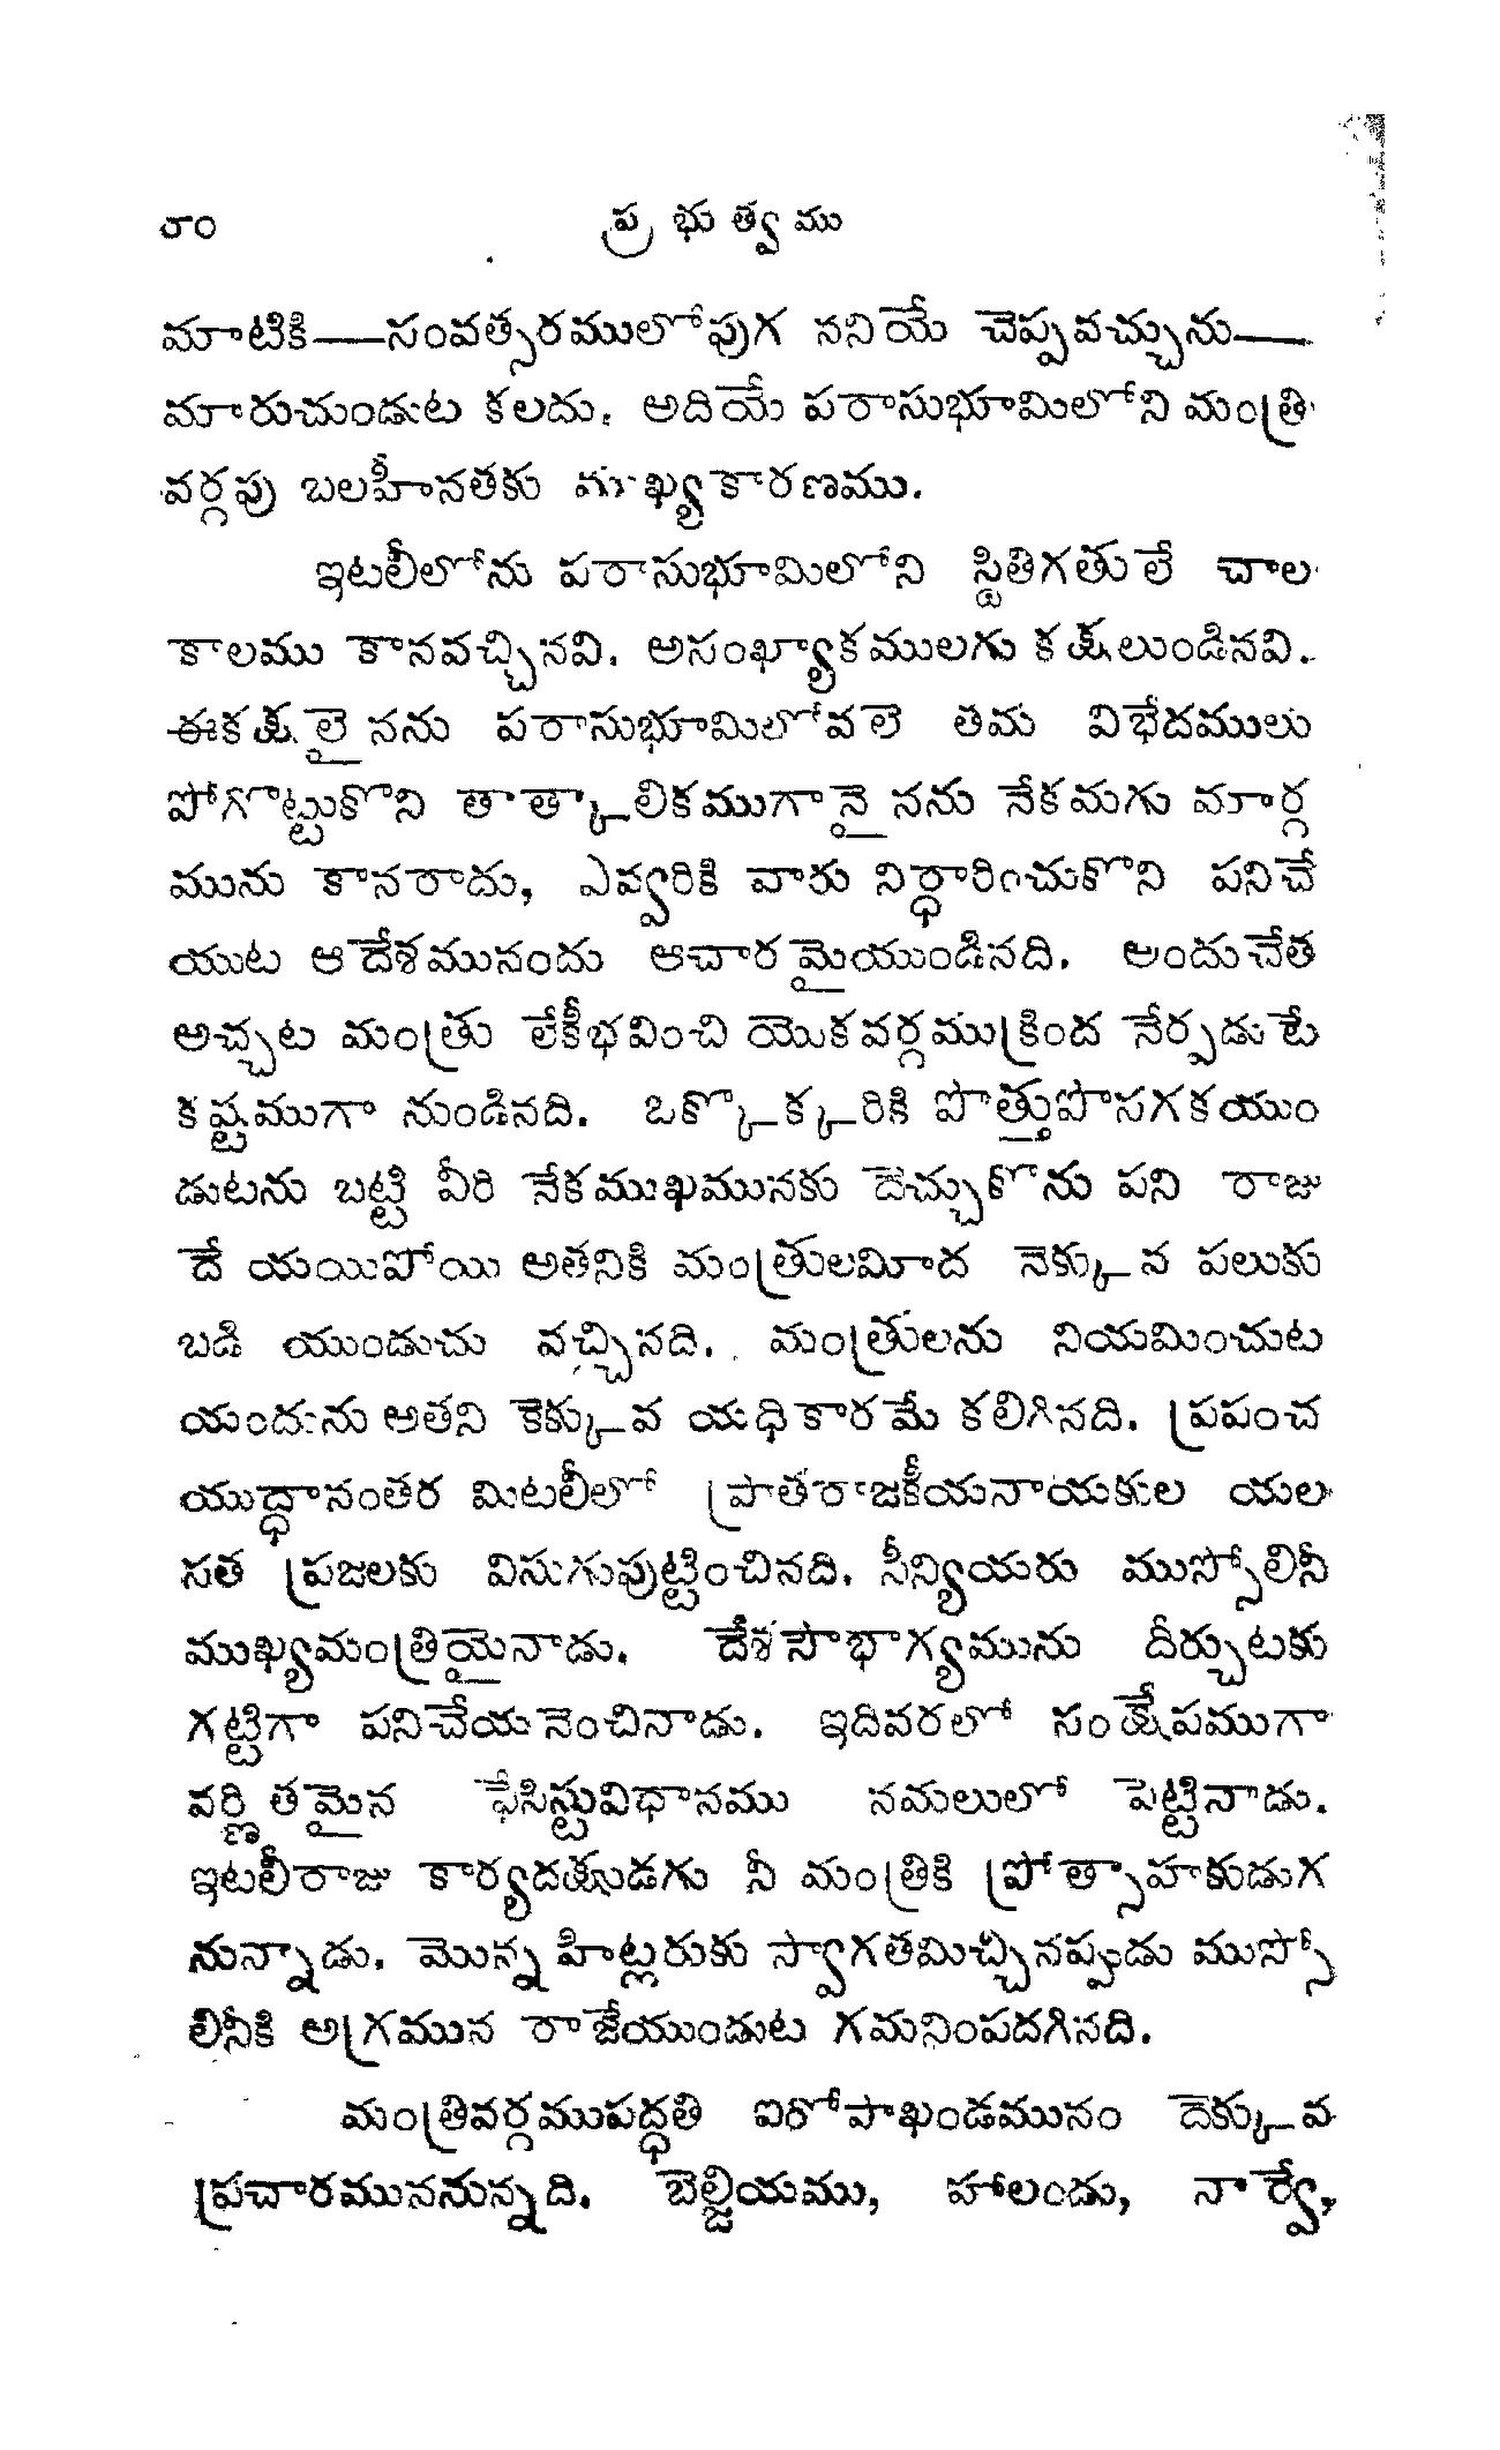మాటికి - సంవత్సరములోపుగ ననియే చెప్పవచ్చును. — మారుచుండట కలదు, అదియే పరాసుభూమిలోని మంత్రివర్గపు బలహీనతకు ముఖ్యకారణము.

ఇటలీలోను పరాసుభూమిలోని స్థితిగతులే చాలకాలము కానవచ్చినవి. అసంఖ్యాకములగు కక్షలుండినవి. ఈకక్షలైనను పరాసుభూమిలోవలే తమ విభేదములు పోగొట్టుకొని తాత్కాలికముగానై నను నేకమగు మార్గమును కానరాదు, ఎవ్వరికి వారు నిర్ధారించుకొని పనిచేయుట ఆ దేశమునందు ఆచారమైయుండినది. అందుచేత అచ్చట మంత్రు లేకీభవించి యొకవర్గముక్రింద నేర్పడుటే
కష్టముగా నుండినది. ఒక్కొక్కరికి పొత్తుపొసగక యుండుటను బట్టి వీరి నేకముఖమునకు దెచ్చుకొను పని రాజుదే యయిపోయి అతనికి మంత్రులమీద నెక్కున పలుకుబడి యుండుచు వచ్చినది. మంత్రులను నియమించుట యందును అతని కెక్కువ యధికారమే కలిగినది. ప్రపంచ
యుద్ధానంతర మిటలీలో ప్రాతరాజకీయనాయకుల యలసత ప్రజలకు విసుగుపుట్టించినది. సీన్యియరు ముస్సోలినీ ముఖ్యమంత్రియైనాడు. దేశసౌభాగ్యమును దీర్చుటకు గట్టిగా పనిచేయ నెంచినాడు. ఇదివరలో సంక్షేపముగా వర్ణితమైన ఫేసిస్టువిధానము నమలులో పెట్టినాడు.
ఇటలీరాజు కార్యదక్షుడగు నీ మంత్రికి ప్రోత్సాహకుడుగ నున్నాడు. మొన్న హిట్లరుకు స్వాగతమిచ్చి నప్పుడు ముస్సోలినీకి అగ్రమున రాజేయుండుట గమనింపదగినది.

మంత్రివర్గముపద్ధతి ఐరోపాఖండమునం దెక్కువ ప్రచారముననున్నది. బెల్జియము, హాలండు, నార్వే,